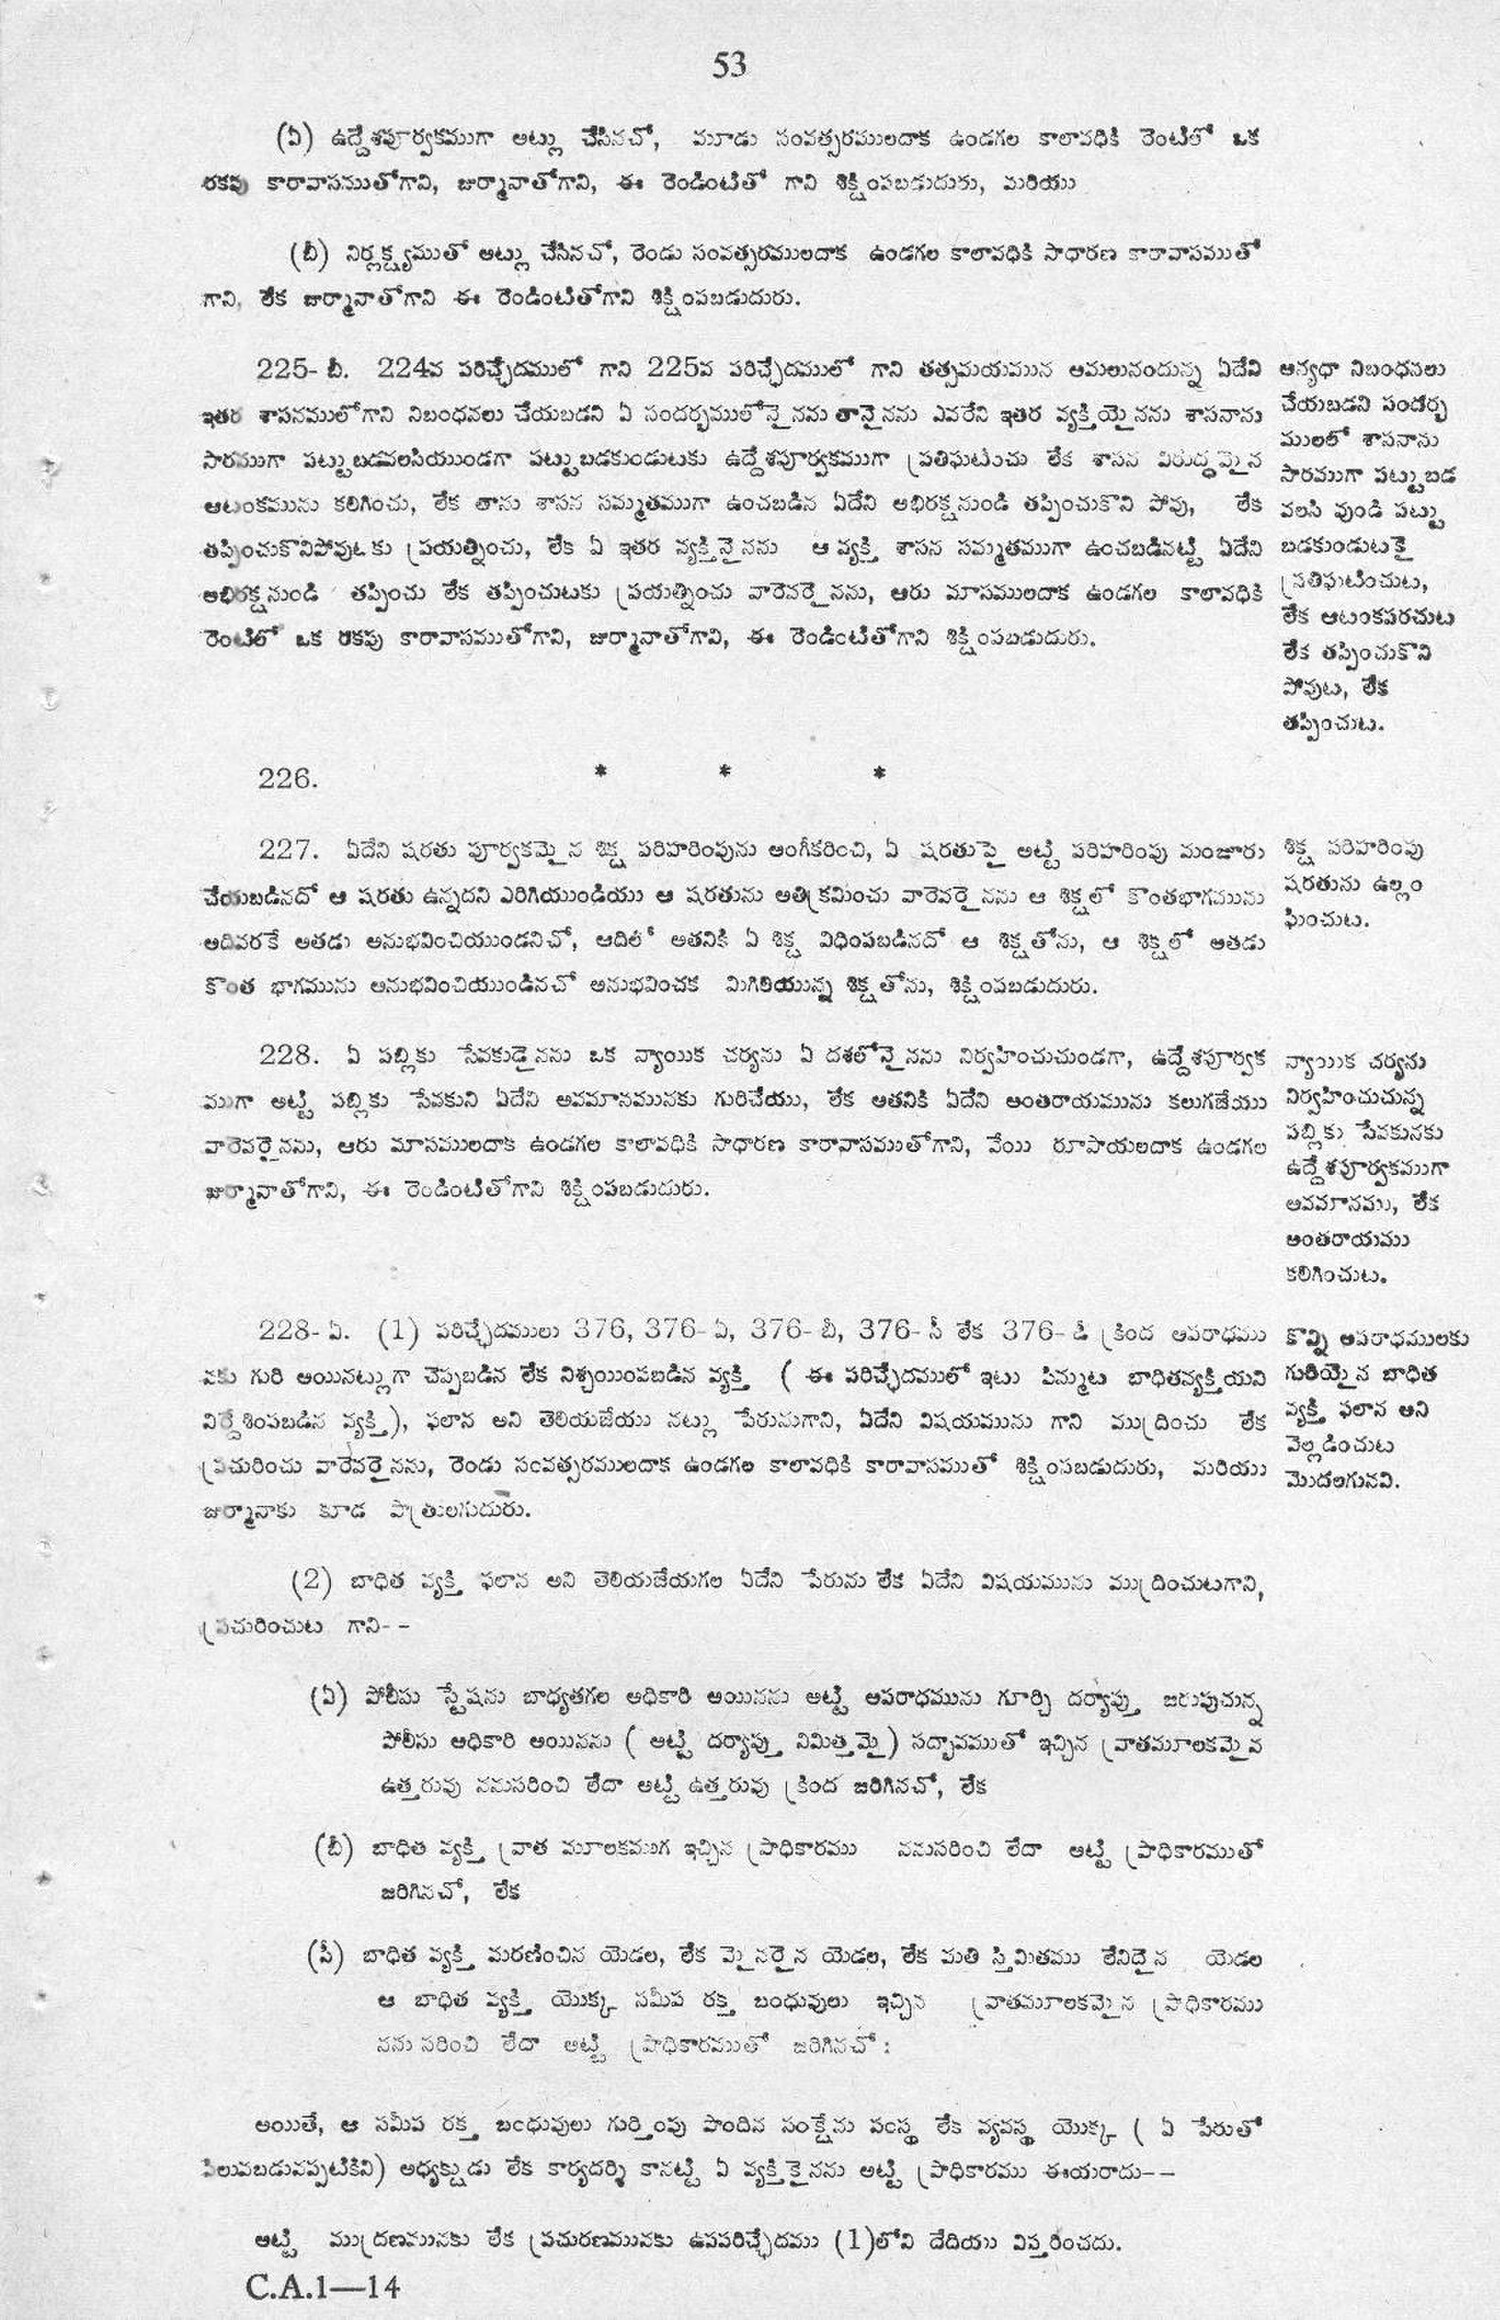(ఏ) ఉద్దేశపూర్వకముగా అట్లు చేసిన చో, మూడు సంవత్సరములదాక ఉండగల కాలావధికి రెంటిలో ఒక రకపు కారావాసముతోగాని, జుర్మానాలోగాని, ఈ రెండింటితో గాని శిక్షింపబడుదురు, మరియు

(బీ) నిర్లక్ష్యముతో అట్లు చేసిన చో, రెండు సంవత్సరములదాక ఉండగల కాలావధికి సాధారణ కారావాసముతో గాని, లేక జుర్మానాతోగాని ఈ రెండింటిలోగాని శిక్షింపబడుదురు.

అన్యధా నిబంధనలు చేయబడని సందర్భములలో శాసనాను సారముగా పట్టుబడ వలసి వుండి పట్టు బడకుండుటకై ప్రతిఘటించుట
లేక ఆటంకపరచుట లేక తప్పించుకొని పోవుట, లేక తప్పించుట.

225- బీ. 224వ పరిచ్ఛేదములో గాని 225వ పరిచ్ఛేదములో గాని తత్సమయమున అమలునందున్న ఏదేని ఇతర శాసనములో గాని నిబంధనలు చేయబడని ఏ సందర్భములోనైనను తానై నను ఎవరేని ఇతర వ్యక్తి యైనను శాసనాను సారముగా పట్టు బడవలసియుండగా పట్టు బడకుండుటకు ఉద్దేశపూర్వకముగా ప్రతిఘటించు లేక శాసన విరుద్ధ మైన ఆటంకమును కలిగించు, లేక తాను శాసన సమ్మతముగా ఉంచబడిన ఏదేని అభిరక్ష నుండి తప్పించుకొని పోవు, లేక తప్పించుకొనిపోవుటకు ప్రయత్నించు, లేక ఏ ఇతర వ్యక్తి నైనను ఆ వ్యక్తి, శాసన సమ్మతముగా ఉంచబడినట్టి ఏదేని అభిరక్ష నుండి తప్పించు లేక తప్పించుటకు ప్రయత్నించు వారెవరైనను, ఆరు మాసములదాక ఉండగల కాలావధికి 
రెంటిలో ఒక రకపు కారావాసముతోగాని, జుర్మానాతోగాని, ఈ రెండింటితోగాని శిక్షింపబడుదురు,

226. * * *

శిక్ష పరిహరింపు షరతును ఉల్లంఘించుట.

227. ఏదేని షరతు పూర్వకమైన శిక్ష పరిహరింపును అంగీకరించి, ఏ షరతు పై అట్టి పరిహరింపు మంజూరు శిక్ష పరిహరింపు చేయబడినదో ఆ షరతు ఉన్నదని ఎరిగియుండియు ఆ షరతును అతిక్రమించు వారెవరైనను ఆ శిక్షలో కొంత భాగమును ఆదివరకే అతడు అనుభవించియుండని చో, ఆదిలి అతనికి ఏ శిక్ష విధింపబడినదో ఆ శిక్ష తోను, ఆ శిక్ష లో అతడు కొంత భాగమును అనుభవించియుండినచో అనుభవించక మిగిలియున్న శిక్ష తోను, శిక్షింపబడుదురు.

న్యాయిక చర్యను నిర్వహించుచున్న పబ్లికు సేవకునకు ఉద్దేశపూర్వకముగా అవమానము, లేక అంతరాయము కలిగించుట,

228. ఏ పబ్లికు సేవకుడై నను ఒక న్యాయిక చర్యను ఏ దశలోనై నను నిర్వహించుచుండగా, ఉద్దేశపూర్వకముగా అట్టి పబ్లికు సేవకుని ఏదేని అవమానమునకు గురిచేయు, లేక అతనికి ఏదేని ఆంతరాయమును కలుగజేయు నిర్వహించుచున్న వారెవరైనను, ఆరు మాసములదాక ఉండగల కాలావధికి సాధారణ కారావాసముతో గాని, వేయి రూపాయలదాక ఉండగల జుర్మానాతోగాని, ఈ రెండింటితో గాని శిక్షింపబడుదురు.

కొన్ని అపరాధములకు గురియైన బాధిత వ్యక్తి. ఫలాన అని వెల్లడించుట మొదలగునవి.

228- ఏ. (1) పరిచ్ఛేదములు 376, 376-ఏ, 376- బీ, 376-సీ లేక 376- డీ క్రింద అపరాధము నకు గురి అయినట్లుగా చెప్పబడిన లేక నిశ్చయింపబడిన వ్యక్తి ( ఈ పరిచ్ఛేదములో ఇటు పిమ్మట బాధితవ్యక్తి యని నిర్దేశింపబడిన వ్యక్తి), ఫలాన అని తెలియజేయు నట్లు పేరునుగాని, ఏదేని విషయమును గాని ముద్రించు లేక ప్రచురించు వారెవరైనను, రెండు సంవత్సరములదాక ఉండగల కాలావధికి కారావాసములో శిక్షింపబడుదురు, మరియు జుర్మానాకు కూడ పాత్రులగుదురు.

(2) బాధిత వ్యక్తి ఫలాన అని తెలియజేయగల ఏదేని పేరును లేక ఏదేని విషయమును ముద్రించుటగాని,
ప్రచురించుట గాని--
మొదలగునవి.

(ఏ) పోలీసు స్టేషను బాధ్యతగల అధికారి అయినను అట్టి అపరాధమును గూర్చి దర్యాప్తు జరుపుచున్న
పోలీసు అధికారి అయినను ( అట్టి దర్యాప్తు నిమిత్త మై) సద్భావముతో ఇచ్చిన వ్రాతమూలకమైన
ఉత్త రువు ననుసరించి లేదా అట్టి ఉత్త రువు క్రింద జరిగినచో, లేక
(బి) బాధిత వ్యక్తి వ్రాత మూలకవ.9గ ఇచ్చిన ప్రాధికారము ననుసరించి లేదా అట్టి ప్రాధికారముతో
జరిగిన చో, లేక
యెడల

(పీ) బాధిత వ్యక్తి మరణించిన యెడల, లేక పై సరైన యెడల, లేక మతి స్తి వితము లేనిదైన
ఆ బాధిత వ్యక్తి యొక్క సమీప రక్త బంధువులు ఇచ్చిన వ్రాతమూలకమైన ప్రాధికారము
నను సరించి లేదా ఆట్టి ప్రాధికారముతో జరిగిన చో :

అయితే, ఆ సమీప రక్త బంధువులు గుర్తింపు పొందిన సంక్షేను పంస్థ లేక వ్యవస్థ యొక్క ( ఏ పేరుతో
పిలువబడునప్పటికిని) అధ్యక్షుడు లేక కార్యదర్శి కానట్టి ఏ వ్యక్తి కైనను అట్టి ప్రాధికారము ఈయరాదు--

అట్టి ముద్రణమునకు లేక ప్రచురణమునకు ఉపపరిచ్ఛేదము (1)లోని దేదియు విస్త రించదు.